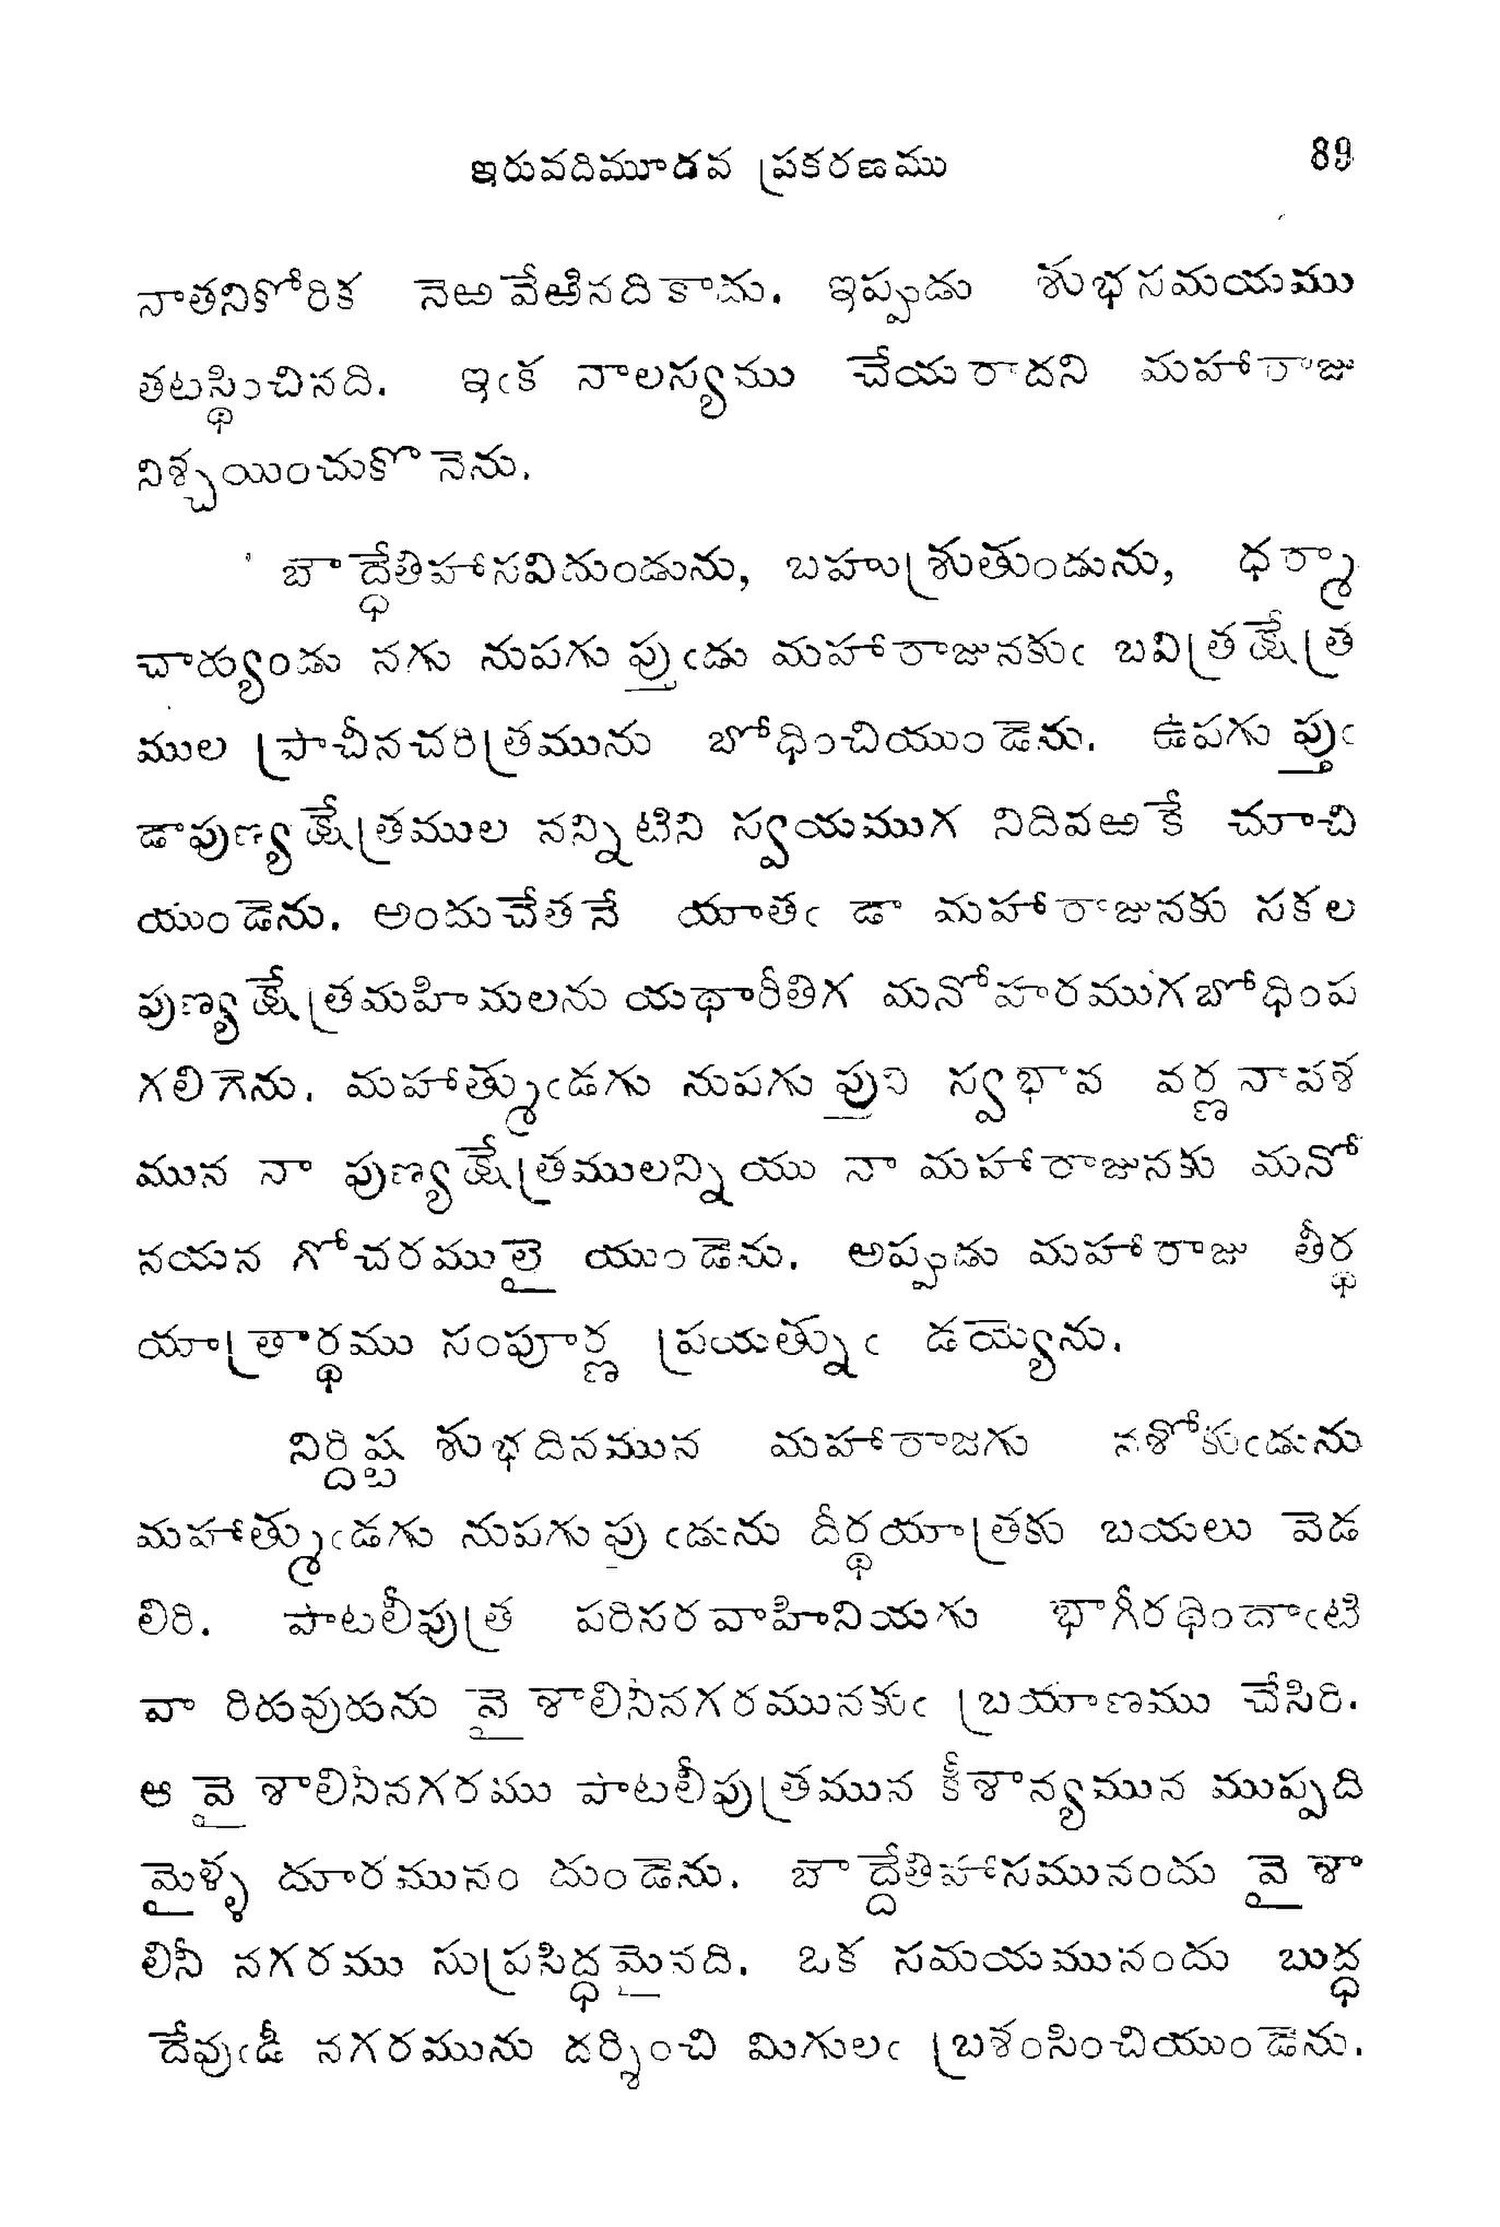నాతనికోరిక నెఱవేఱినది కాదు. ఇప్పుడు శుభసమయము తటస్థించినది. ఇక నాలస్యము చేయరాదని మహారాజు నిశ్చయించుకొనెను.

బౌద్ధేతిహాసవిదుండును, బహుశ్రుతుండును, ధర్మాచార్యుండు నగు నుపగు ప్తుఁడు మహా రాజునకుఁ బవిత్రక్షేత్రముల ప్రాచీన చరిత్రమును బోధించియుండెను. ఉపగు ప్తుఁడాపుణ్య క్షేత్రముల నన్నిటిని స్వయముగ నిదినఱకే చూచి యుండెను. అందుచేతనే యాతఁ డా మహా రాజునకు సకల పుణ్య క్షేత్రమహిమలను యథారీతిగ మనోహరముగ బోధింప గలిగెను. మహాత్ముఁడగు నుపగు ప్తుని స్వభావ వర్ణ నావశమున నా పుణ్య క్షేత్రములన్ని యు నా మహా రాజునకు మనోనయన గోచరము లై యుండెను. అప్పుడు మహా రాజు తీర్థ యాత్రార్థము సంపూర్ణ ప్రయత్నుఁ డయ్యెను.

నిర్దిష్ట శుభదినమున మహా రాజగు నశోకుఁడును మహత్ముఁడగు నుపగుప్తుఁడును దీర్థయాత్రకు బయలు వెడలిరి. పాటలీపుత్ర పరిసర వాహినియగు భాగీరథిందాఁటి వారిరువురును వైశాలిని నగరమునకుఁ బ్రయాణము చేసిరి. ఆ వై శాలినీనగరము పాటలీపుత్రమున కీశాన్యమున ముప్పది మైళ్ళ దూరమునం దుండెను. బౌద్దేశిహాసమునందు వై శాలినీ నగరము సుప్రసిద్ధ మైనది. ఒక సమయమునందు బుద్ధ దేవుఁడీ నగరమును దర్శించి మిగులఁ బ్రశంసించి యుండెను.